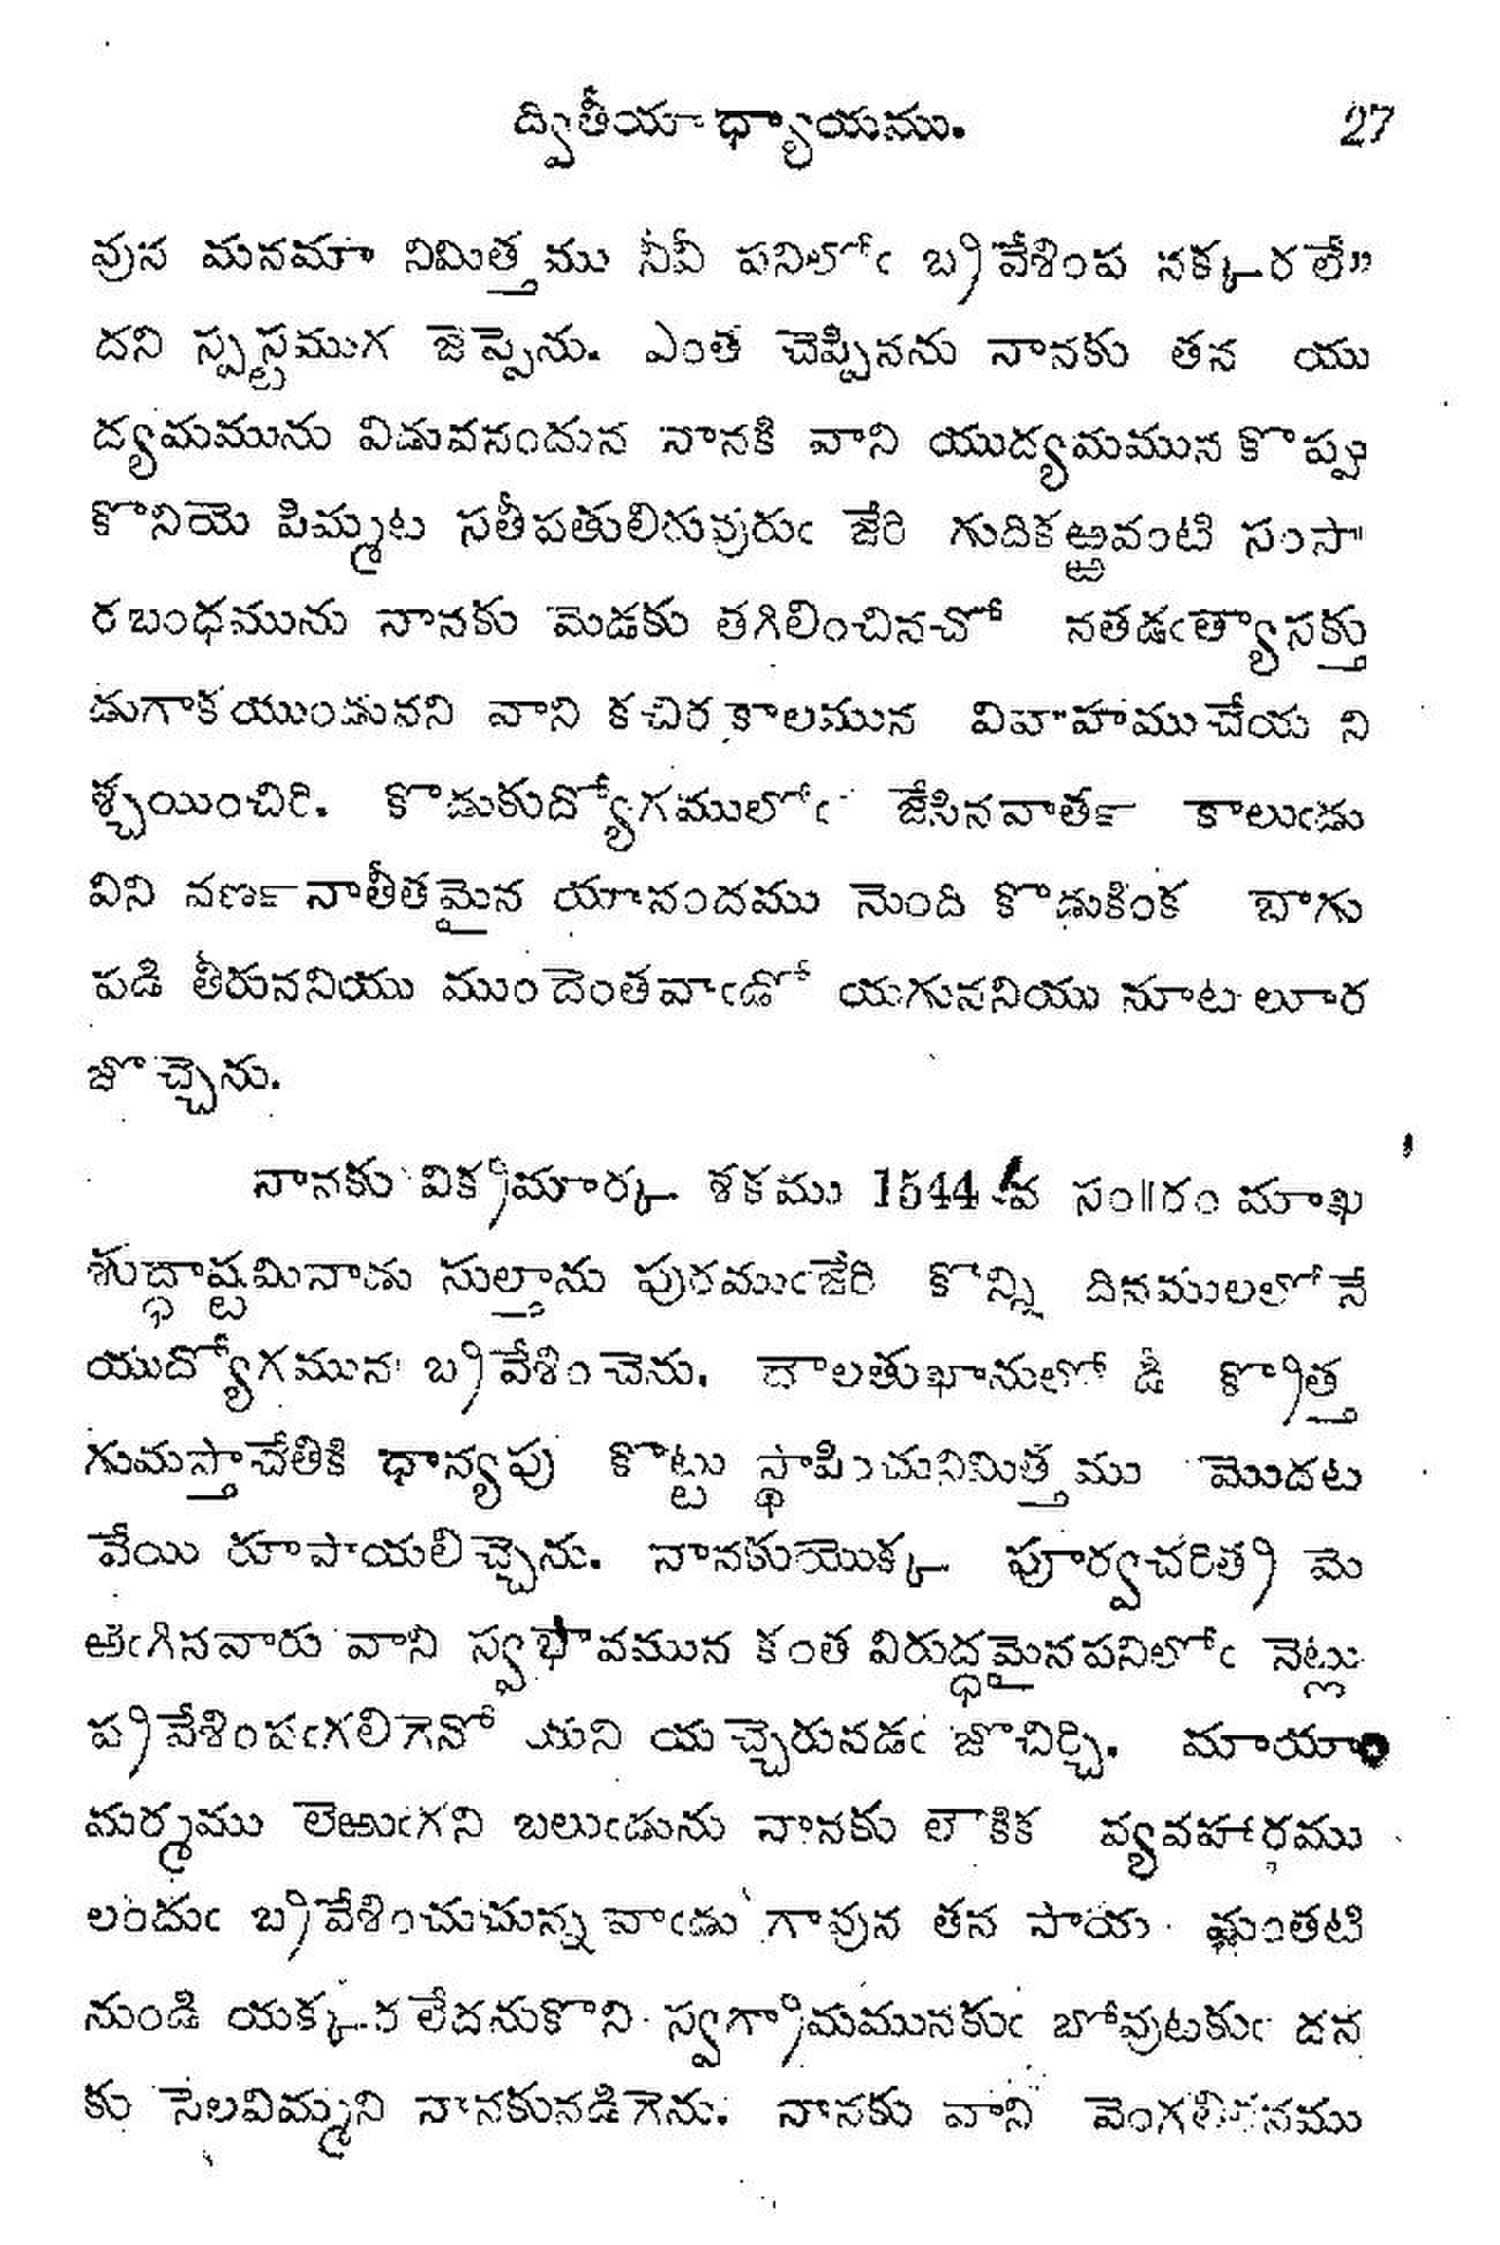వున మనమా నిమిత్తము నీవీ పనిలో బ్రవేశింప నక్కరలే" దని స్పష్టముగ జెప్పెను. ఎంత చెప్పినను నానకు తన యుద్యమమును విడువనందున నానకి వాని యుద్యమమున కొప్పుకొనియె పిమ్మట సతీపతులిరువురు జేరి గుదికఱ్ఱవంటి సంసారబంధమును నానకు మెడకు తగిలించినచో నతడత్యాసక్తుడుగాక యుండునని వాని కచిరకాలమున వివాహముచేయ నిశ్చయించిరి. కొడుకుద్యోగములో జేసినవాతన్ కాలుడు విని వణన్‌నాతీతమైన యానందము నొంది కొడుకింక బాగుపడి తీరుననియు ముందెంతవాడో యగుననియు నూటలూర జొచ్చెను.

నానకు విక్రమార్క శకము 1544 వ సం.రం మాఖ శుద్ధాష్టమినాడు సుల్తాను పురముజేరి కొన్ని దినములలోనే యుద్యోగమున బ్రవేశించెను. దౌలతుఖానులోడీ క్రొత్త గుమస్తాచేతికి ధాన్యపు కొట్టు స్థాపించునిమిత్తము మొదట వేయి రూపాయలిచ్చెను. నానకుయొక్క పూర్వచరిత్ర మెఱిగినవారు వాని స్వభావమున కంత విరుద్ధమైనపనిలో నెట్లు ప్రవేశింపగలిగెనో యని యచ్చెరువడ జొచ్చిరి. మాయామర్మము లెఱుగని బలుడును నానకు లౌకిక వ్యవహారము లందు బ్రవేశించుచున్నవాడు గావున తన సాయ మంతటి నుండి యక్కరలేదనుకొని స్వగ్రామమునకు బోవుటకు దనకు సెలవిమ్మని నానకునడిగెను. నానకు వాని వెంగలితనము